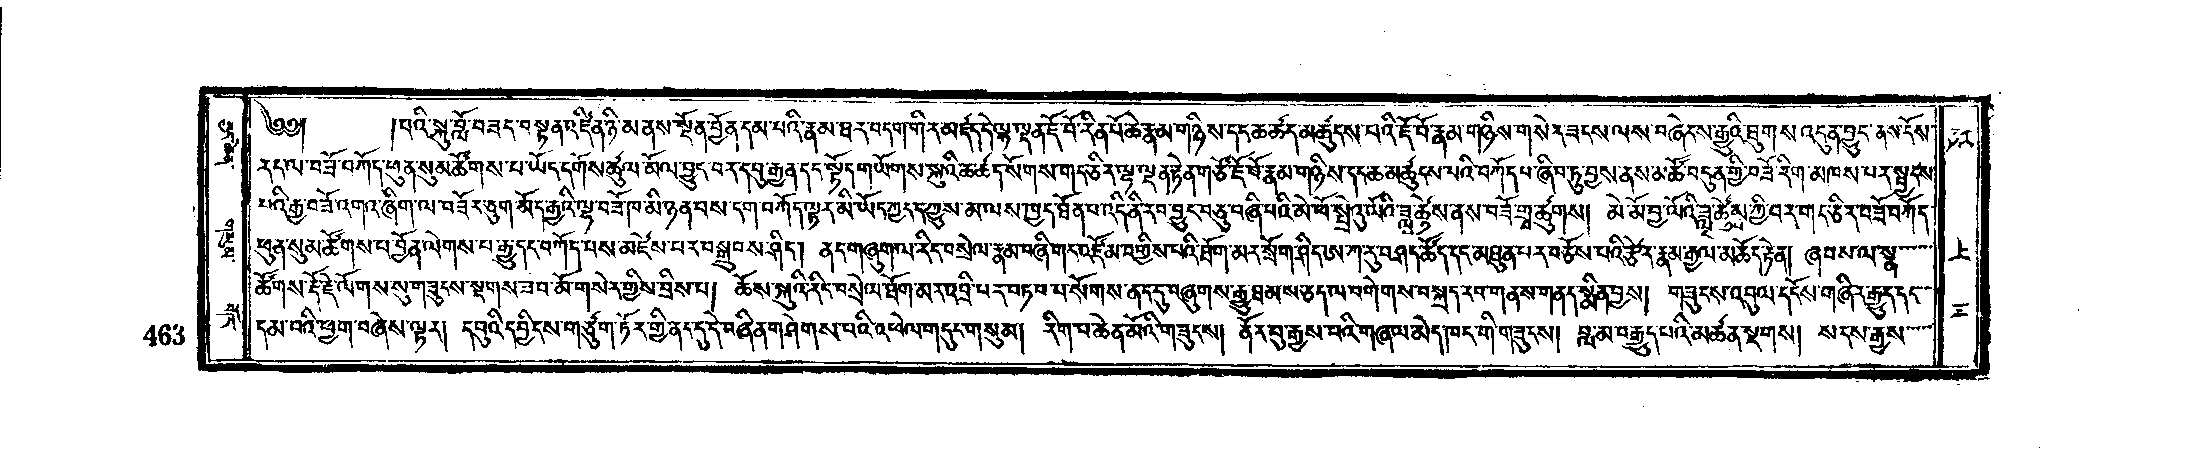༄༅། །པའི་སྐུ་བློ་བཟང་བསྟན་འཛིན་ཉི་མ་ནས་སྔོན་བྱོན་དམ་པའི་རྣམ་ཐར་བདག་གིར་མཛད་དེ་ལྷ་ལྡན་ཇོ་བོ་རིན་པོ་ཆེ་རྣམ་གཉིས་དང་ཆ་ཚད་མཚུངས་པའི་ཇོ་བོ་རྣམ་གཉིས་གསེར་ཟངས་ལས་བཞེངས་རྒྱུའི་ཐུགས་འདུན་བྱུང་ནས་ངོས
རང་ལ་བཟོ་བཀོད་ཕུན་སུམ་ཚོགས་པ་ཡོང་དགོས་ཚུལ་མོལ་བྱུང་བར་དབུ་རྒྱན་དང་སྟོད་གཡོགས་སྐུའི་ཆ་ཚད་སོགས་གང་ཅིར་ལྷ་ལྡན་རྟེན་གཙོ་ཇོ་བོ་རྣམ་གཉིས་དང་ཆ་མཚུངས་པའི་བཀོད་པ་ཞིབ་ཏུ་བྱས་ནས་མཚོ་བདུན་གྱི་བཟོ་རིག་མཁས་པར་སྦྱངས་
པའི་རྒྱ་བཟོ་འགའ་ཞིག་ལ་བཟོར་ཅུག་མོད་རྒྱའི་ལྷ་བཟོ་ཁ་མི་ཉན་པས་དག་བཀོད་ལྟར་མི་ཡོད་ཀྱང་དཀྱུས་མ་ལས་ཁྱད་ཐོན་པ་འདི་ནི་རབ་བྱུང་བཅུ་བཞི་པའི་མེ་ཕོ་སྤྲེའུ་ལོའི་ཟླ༥?་ཚེས༡་ནས་བཟོ་གྲྭ་ཚུགས། མེ་མོ་བྱ་ལོའི་ཟླ༨་ཚེས༡༥་ཀྱི་བར་གང་ཅིར་བཟོ་བཀོད་
ཕུན་སུམ་ཚོགས་པ་བྱོན་ལེགས་པ་རྒྱུ་དང་བཀོད་པས་མཛེས་པར་བསྒྲུབས་ཤིང་། ནང་གཞུག་ལ་རིང་བསྲེལ་རྣམ་བཞི་གང་འཛོམ་བགྱིས་པའི་ཐོག་མར་སྲོག་ཤིང་ཨ་ཀ་རུ་བཤད་ཚོད་དང་མཐུན་པར་བཅོས་པའི་རྩེར་རྣམ་རྒྱལ་མཆོད་རྟེན། ཞབས་ལ་སྣ་
ཚོགས་རྡོ་རྗེ་ལོགས་སུ་གཟུངས་སྔགས་ཟབ་མོ་གསེར་གྱིས་བྲིས་པ། ཆོས་སྐུའི་རིང་བསྲེལ་ཐོག་མར་འབྲི་པར་བཏབ་པ་སོགས་ནང་དུ་བཞུགས་རྒྱུ་ཐམས་ཅད་ལ་བགེགས་བསྐྲད་རབ་གནས་གནད་སྨིན་བྱས། གཟུངས་འབུལ་དངོས་གཞིར་རྒྱུད་དང་
དམ་བའི་ཕྱག་བཞེས་ལྟར། དབུའི་དབྱིངས་གཙུག་ཏོར་གྱི་ནང་དུ་དེ་བཞིན་གཤེགས་པའི་འཕེལ་གདུང་གསུམ། རིག་པ་ཆེན་མོའི་གཟུངས། ནོར་བུ་རྒྱས་པའི་གཞལ་མེད་ཁང་གི་གཟུངས། བླ་མ་བརྒྱུད་པའི་མཚན་སྔགས། སངས་རྒྱས་